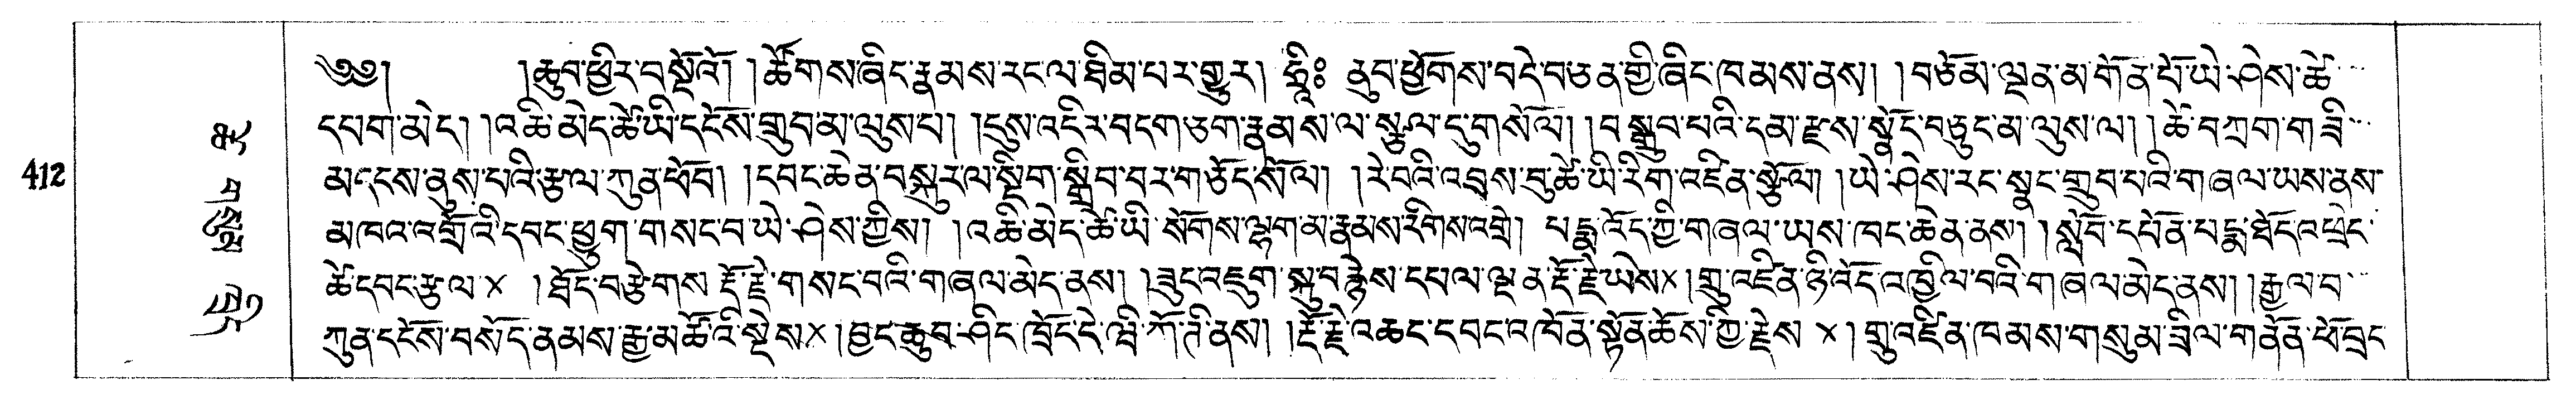༄༅། །ཆུབ་ཕྱིར་བསྔོའོ། །ཚོགས་ཞིང་རྣམས་རང་ལ་ཐིམ་པར་གྱུར། ཧྲཱིཿ ནུབ་ཕྱོགས་བདེ་བ་ཅན་གྱི་ཞིང་ཁམས་ནས། །བཅོམ་ལྡན་མགོན་པོ་ཡེ་ཤེས་ཚེ་
དཔག་མེད། །འཆི་མེད་ཚེ་ཡི་དངོས་གྲུབ་མ་ལུས་པ། །དུས་འདིར་བདག་ཅག་རྣམས་ལ་སྩལ་དུ་གསོལ། །བསྒྲུབ་པའི་དམ་རྫས་སྣོད་བཅུང་མ་ལུས་ལ། །ཚེ་བཀྲག་གཟི་
མདངས་ནུས་པའི་རྩལ་ཀུན་ཕོབ། །དབང་ཆེན་བསྐུར་ལ་སྡིག་སྒྲིབ་བར་གཅོད་སོལ། །རེ་བའི་འབྲས་བུ་ཚེ་ཡི་རིག་འཛིན་སྩོལ། །ཡེ་ཤེས་རང་སྣང་གྲུབ་པའི་གཞལ་ཡས་ནས་
མཁའ་འགྲོའི་དབང་ཕྱུག་གསང་བ་ཡེ་ཤེས་ཀྱིས། །འཆི་མེད་ཚེ་ཡི་སོགས་ལྷག་མ་རྣམས་རིགས་འགྲེ། པདམ་འོད་ཀྱི་གཞལ་ཡས་ཁང་ཆེན་ནས། །སློབ་དཔོན་པདམ་ཐོད་འཕྲེང་
ཚེ་དབང་རྩལ྾། ཐོད་བརྩེགས་རྡོ་རྗེ་གསང་བའི་གཞལ་མེད་ནས། །ཟུང་འཇུག་སྐུ་བརྙེས་དཔལ་ལྡན་རྡོ་རྗེ་ཡིས྾། གྲུ་འཛིན་ཉི་འོད་འཁྱིལ་བའི་གཞལ་མེད་ནས། །རྒྱལ་བ་
ཀུན་དངོས་བསོད་ནམས་རྒྱ་མཚོའི་སྡེས྾། བྱང་ཆུབ་ཤིང་ཁྲོད་དེ་ཝི་ཀོ་ཊི་ནས། །རྡོ་རྗེ་འཆང་དབང་འཁོན་སྟོན་ཆོས་ཀྱི་རྗེས྾། གྲུ་འཛིན་ཁམས་གསུམ་ཟིལ་གནོན་ཕོ་བྲང་